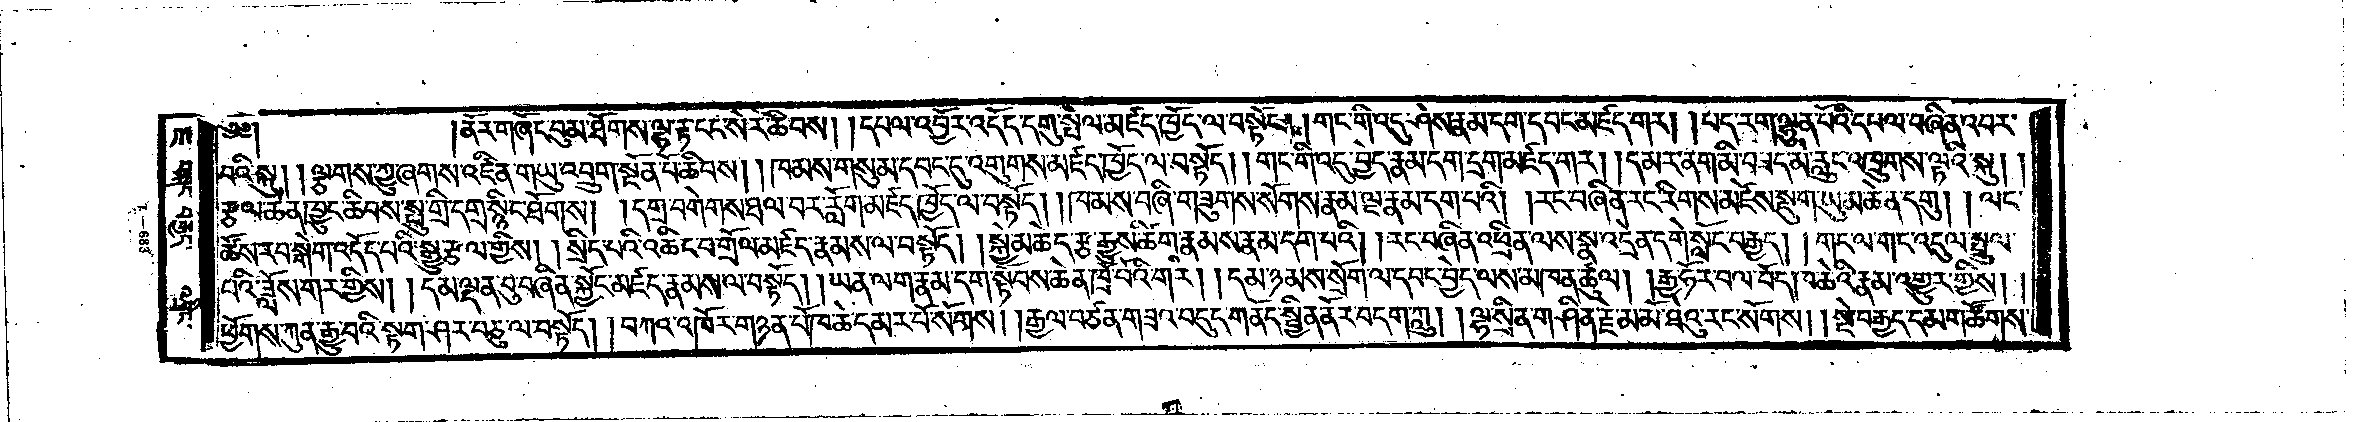༄༅། །ནོར་གཞུང་བུམ་ཐོགས་ལྷ་རྟ་ངང་སེར་ཆིབས། དཔལ་འབྱོར་འདོད་གུ་སྤེལ་མཛོད་ཁྱོད་ལ་བསྟོད། །གང་གི་འདུ་ཤེས་རྣམ་དག་དབང་མཛད་གར། །པད་རཱ་ག་ལྷུན་པོའི་དཔལ་བཞིན་འབར་
བའི་སྐུ། །ལྕགས་ཀྱུ་ཞགས་འཛིན་གཡུ་འབྲུག་སྔོ་པོ་འཆིབས། །ཁམས་གསུམ་དབང་དུ་འགུགས་མཛད་ཁྱོད་ལ་བསྟོད། །གང་གི་འདུ་བྱེད་རྣམ་དག་དྲག་མཛད་གར། །དམར་ནག་མི་བཟད་མེ་རླུང་འཁྲུགས་ལྷའི་སྐུ། །
རྩལ་ཆན་ཁྱུང་ཆིབས་སྤུ་གྲི་དགྲ་སྙིང་ཐོགས། །དགྲ་བགེགས་ཐལ་པར་རློག་མཛད་ཁྱོད་ལ་བསྟོད། །ཁམས་བཞི་གཟུགས་སོགས་རྣམ་ལྔ་རྣམ་དག་པའི། །རང་བཞིན་དང་རིགས་མཛོས་སྡུག་ཡུ་མཆེད་དགུ། །ལང་
ཚོགས་རབ་སྒེག་འདོད་པའི་སྒྱུ་ཙལ་གྱིས། །སྲིད་པའི་འཆིང་བ་གྲོལ་མཛད་རྣམས་ལ་བསྟོད། །སྐྱེ་མཆེད་རྩ་རྒྱུས་རིགས་རྣམས་རྣམ་དག་པའི། །རང་བཞིན་འཕྲིན་ལས་སྣ་འདྲེན་དགེ་སློང་བརྒྱད། །གང་ལ་གང་འདུལ་སྤྲུལ་
པའི་ཟློས་གར་གྱིས། །དམ་ལྡན་པུ་བཞིན་སྐྱོང་མཛད་རྣམས་ལ་བསྟོད། །ཡན་ལག་རྣམ་དག་སྟོབས་ཆེན་འཁོར་བོའི་གར། །དམ་ཉམས་སྲོག་ལ་དབང་བྱེད་ལས་མཁན་ཚུལ། །རྒྱ་ཧོར་བལ་ཧོད་ཁ་ཆེའི་རྣམ་འགྱུར་གྱིས། །
ཕྱོགས་ཀུན་རྒྱུ་བའི་སྟག་ཤར་བཅུ་ལ་བསོད། །བཀའ་འཁོར་གཉན་པོ་ཁ་ཆེ་དམར་པོ་སོགས། །རྒྱལ་བཙན་གཟའ་བདུད་གནོད་སྦྱི་ནོར་བདག་ཀླུ། །ལྷ་སྲིན་གཤིན་རྗེ་མོ་ཐེའུ་རང་སོགས། །སྡེ་བརྒྱད་དམག་ཚོགས་